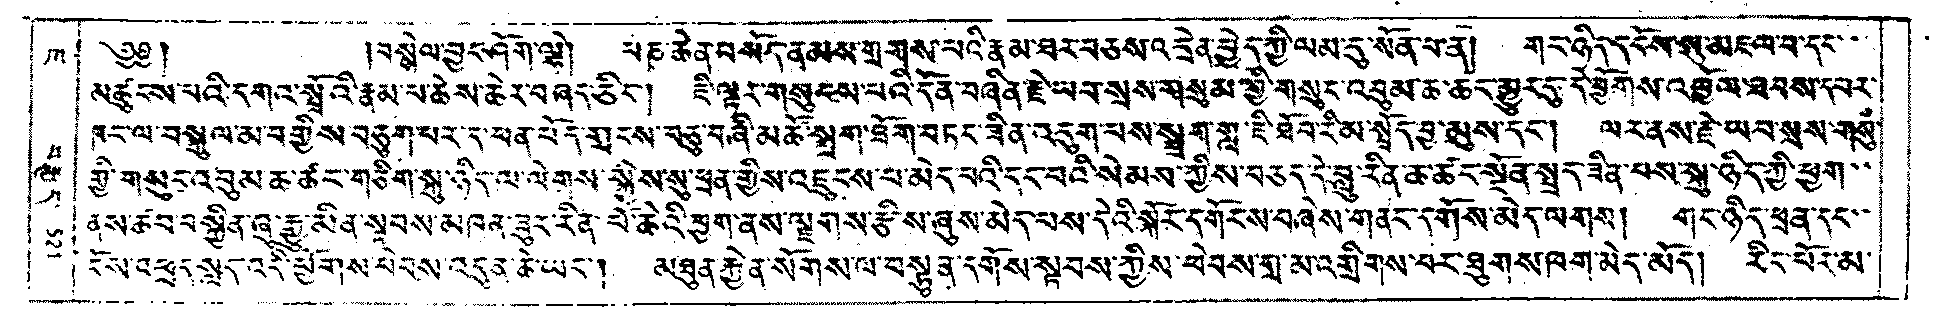༄༅། །བསྙེལ་བྱང་ཤོག་ལྷེ། པཎ་ཆེན་བསོད་ནམས་གྲགས་པའི་རྣམ་ཐར་བཅས་འདྲེན་བྱེད་ཀྱི་ལམ་དུ་སོན་པ་ན། གང་ཉིད་དངོས་སུ་མཇལ་བ་དང་
མཚུངས་པའི་དགའ་སྤྲོའི་རྣམ་པ་ཆེས་ཆེར་བཞད་ཅིང་། ཇི་ལྟར་གསུངས་པའི་དོན་བཞིན་རྗེ་ཡབ་སྲས་གསུམ་གྱི་གསུང་འབུམ་ཆ་ཚང་མྱུར་དུ་དེ་ཕྱོགས་འཁྱོལ་ཐབས་དཔར་
ཁང་ལ་བསྐུལ་མ་བགྱིས་བཅུག་པར་ད་ཕན་པོད་གྲངས་བཅུ་བཞི་མཚོ་སྦྲག་ཐོག་བཏང་ཟིན་འདུག་པས་སྦྲག་གླ་ཇི་ཐོབ་རིམ་སྤྲོད་བྱ་མུས་དང་། ལར་ནས་རྗེ་ཡབ་སྲས་གསུཾ་
གྱི་གསུང་འབུམ་ཆ་ཚང་གཅིག་སྐུ་ཉིད་ལ་ལེགས་སྐྱེས་སུ་ཕྲན་གྱིས་འཇུངས་པ་མེད་པའི་དང་བའི་སེམས་ཀྱིས་བཅད་དེ་བླུ་རིན་ཆ་ཚང་སྔོན་སྤྲད་ཟིན་པས་སྐུ་ཉིད་ཀྱི་ཕྱག་
ནས་ཚབ་བསྐྱིན་ཞུ་རྒྱུ་མིན་སྟབས་མཁན་ཟུར་རིན་པོ་ཆེའི་ཕྱག་ནས་ལྗགས་རྩིས་ཞུས་མེད་པས་དེའི་སྐོར་དགོངས་བཞེས་གནང་དགོས་མེད་ལགས། གང་ཉིད་ཕྲན་དང་
ངོས་འཕྲད་སླད་འདི་ཕྱོགས་ཕེབས་འདུན་ཆེ་ཡང་། མཐུན་རྐྱེན་སོགས་ལ་བསྟུན་དགོས་སྟབས་ཀྱིས་ཕེབས་གྲ་མ་འགྲིགས་པར་ཐུགས་ཁག་མེད་མོད། རིང་པོར་མ་